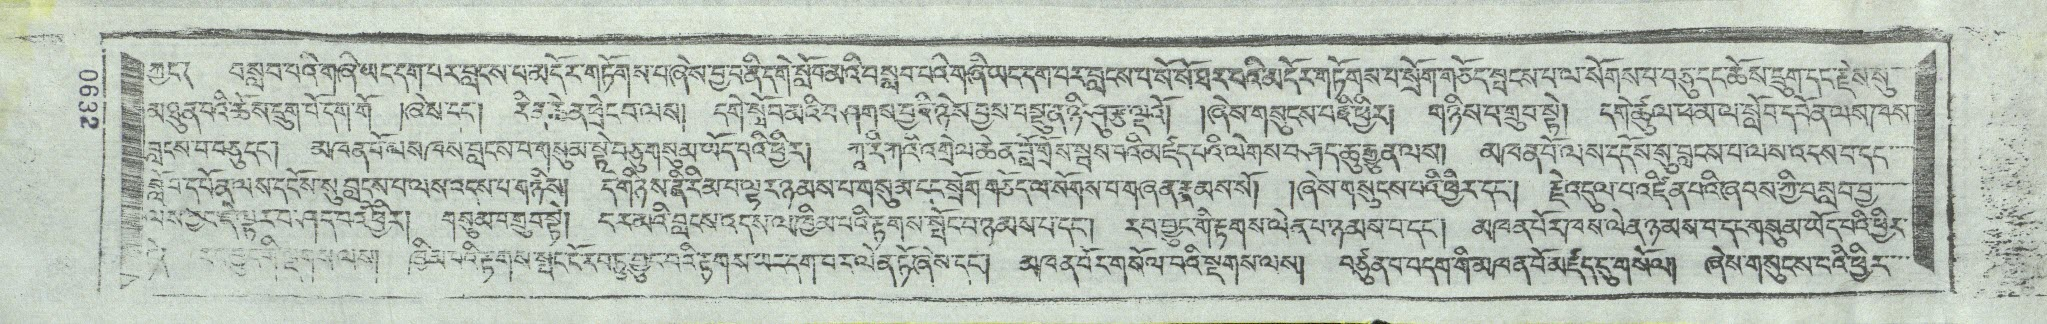ཀྱང༑ བསླབ་པའི་གཞི་ཡང་དག་པར་བླངས་པ་མདོར་གཏོགས་པ་ཞེས་བྱ་བ་ནི་དགེ་སློབ་མའི་བསླབ་པའི་གཞི་ཡང་དག་པར་བླངས་པ་སོ་སོ་ཐར་པའི་མདོར་གཏོགས་པ་སྲོག་གཅོད་སྤངས་པ་ལ་སོགས་པ་བཅུ་དང་ཆོས་དྲུག་དང་རྗེས་སུ་
མཐུན་པའི་ཆོས་དྲུག་པོ་དག་གོ །ཞེས་དང་། རིན་ཆེན་ཕྲེང་བ་ལས། དགེ་སློབ་མའི་བཤགས་བྱའི་ཉེས་བྱས་བསྡུ་ན་ཉི་ཤུ་རྩ་ལྔའོ། །ཞེས་གསུངས་པའི་ཕྱིར། གཉིས་པ་གྲུབ་སྟེ། དགེ་ཚུལ་ཕ་མ་ལ་སློབ་དཔོན་ལས་ཁས་
བླངས་པ་བཅུ་དང་། མཁན་པོ་པས་ཁས་བླངས་པ་གསུམ་སྟེ་བཅུ་གསུམ་ཡོད་པའི་ཕྱིར། ཀཱ་རི་ཀའི་འགྲེལ་ཆེན་བློ་གྲོས་སྦས་པའི་མཛད་པའི་ལེགས་བཤད་ཆུ་རྒྱུན་ལས། མཁན་པོ་ལས་དངོས་སུ་བླངས་པ་ལས་འདས་པ་དང་
སློབ་དཔོན་ལས་དངོས་སུ་བླངས་པ་ལས་འདས་པ་གཉིས། དེ་གཉིས་ནི་རིམ་པ་ལྟར་ཉམས་པ་གསུམ་དང་སྲོག་གཅོད་ལ་སོགས་པ་གཞན་རྣམས་སོ། །ཞེས་གསུངས་པའི་ཕྱིར་དང་། རྗེ་འདུལ་བ་འཛིན་པའི་ཞབས་ཀྱི་བསླབ་བྱ་
ལས་ཀྱང་དེ་ལྟར་བཤད་པའི་ཕྱིར། གསུམ་པ་གྲུབ་སྟེ། ངར་མའི་བླངས་འདས་ལ་ཁྱིམ་པའི་རྟགས་སྤོང་བ་ཉམས་པ་དང་། རབ་བྱུང་གི་རྟགས་ལེན་པ་ཉམས་པ་དང་། མཁན་པོར་ཁས་ལེན་ཉམས་པ་དང་གསུམ་ཡོད་པའི་ཕྱིར་
ཏེ༑ རང་བྱུང་གི་སྔགས་ལས། ཁྱིམ་པའི་རྟགས་སྤང་ངོ་རབ་ཏུ་བྱུང་བའི་རྟགས་ཡང་དག་པར་ལེན་ཏོ་ཞེས་དང་། མཁན་པོར་གསོལ་བའི་སྔགས་ལས། བཙུན་པ་བདག་གི་མཁན་པོ་མཛད་དུ་གསོལ། ཞེས་གསུངས་པའི་ཕྱིར་